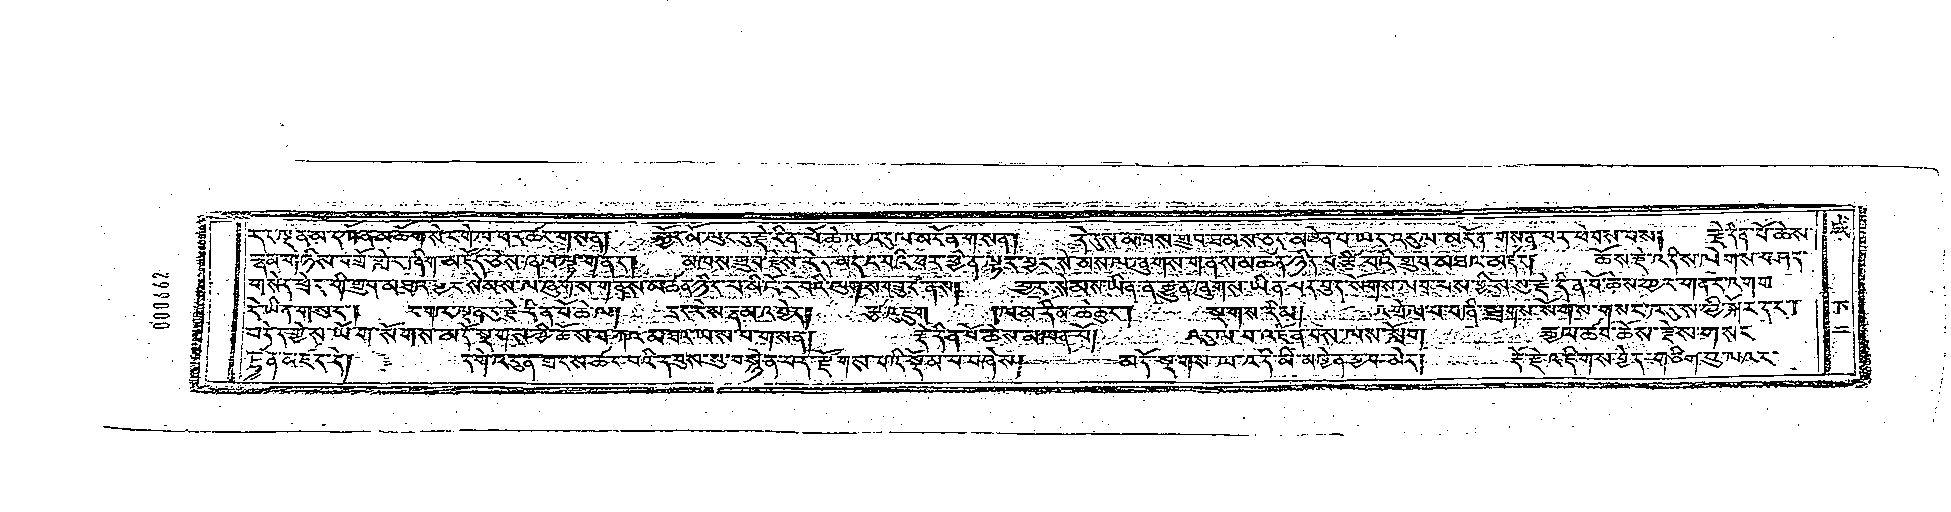རང་ལྡན་མ་དཀོན་མཆོག་སེང་གེ་ལ་ཕར་ཚང་གསན། སྐྱོར་མོ་ལུང་དུ་རྗེ་རིན་པོ་ཆེ་ལ་འདུ་ལ་མངོན་གསན། དེ་དུས་མཁས་གྲུབ་ཐམས་ཅད་མཁྱེན་བ་ཡང་འདུལ་མངོན་གསན་པར་ཕེབས་པས། རྗེ་རིན་པོ་ཆེས་
རྣམ་གཉིས་བགྲོ་གླེང་ཞིག་མཛོད་ཅེས་ཞལ་ལྟ་གནང་། མཁས་གྲུབ་རྗེས་རེང་མདའ་པའི་ཕར་ཕྱིན་ལྟར་བྱང་སེམས་ལ་ཞུགས་གནས་མཚན་ཉིད་པ་རྩི་བའི་གྲུབ་མཐལ་མཛད། ཆོས་རྗེ་འདིས་ལེགས་བཤད་
གསེར་ཕྲེང་གི་གྲུབ་མཐའ་བྱང་སེམས་ལ་ཞུགས་གནས་མཚན་ཉིད་པ་མི་འོང་བའི་ལུགས་བཟུང་ནས། བྱ་ང་སེམས་ཡིན་ན་རྒྱུན་ཞུགས་ཡིན་པར་བུད་སོགས་ལ་བྲ་པས་ཕྱིས་སུ་རྗེ་རིན་པོ་ཆེས་ཀྱང་གནང་འགག་
དེ་ཡིན་གསུང་། དགའ་ལྡན་དུ་རྗེ་རིན་པོ་ཆེ་ལ། དྲང་ངེས་རྣམ་འབྱེད། རྩའུ་ཇུག །ལམ་རིམ་ཆེ་ཆུང་། སྔགས་རིམ། འགྲེལ་པ་བཞི་སྦྲགས་སོགས་གསང་འདུས་ཀྱི་སྐོར་དང་།
བདེ་དགྱེས་ཡོ་ག་སོགས་མདོ་སྔགས་ཀྱི་ཆོས་བཀའ་མཐའ་ཡས་པ་གསན། རྗེ་རིན་པོ་ཆེས་མཁན་པོ། འདུལ་བ་འཛིན་པས་ལས་སློབ། རྒྱལ་ཚབ་ཆོས་རྗེས་གསང་
རྟན་མཛད་དེ། དགེ་འདུན་གྲངས་ཚང་བའི་དབུས་སུ་བསྙེན་པར་རྫོགས་པའི་སྡོམ་པ་བཞེས། མདོ་སྔགས་ལ་འདི་མི་མཁྱེན་བྱ་བ་མེད། རྡོ་རྗེ་འཇིགས་བྱེད་གཅིག་བུ་ལའང་